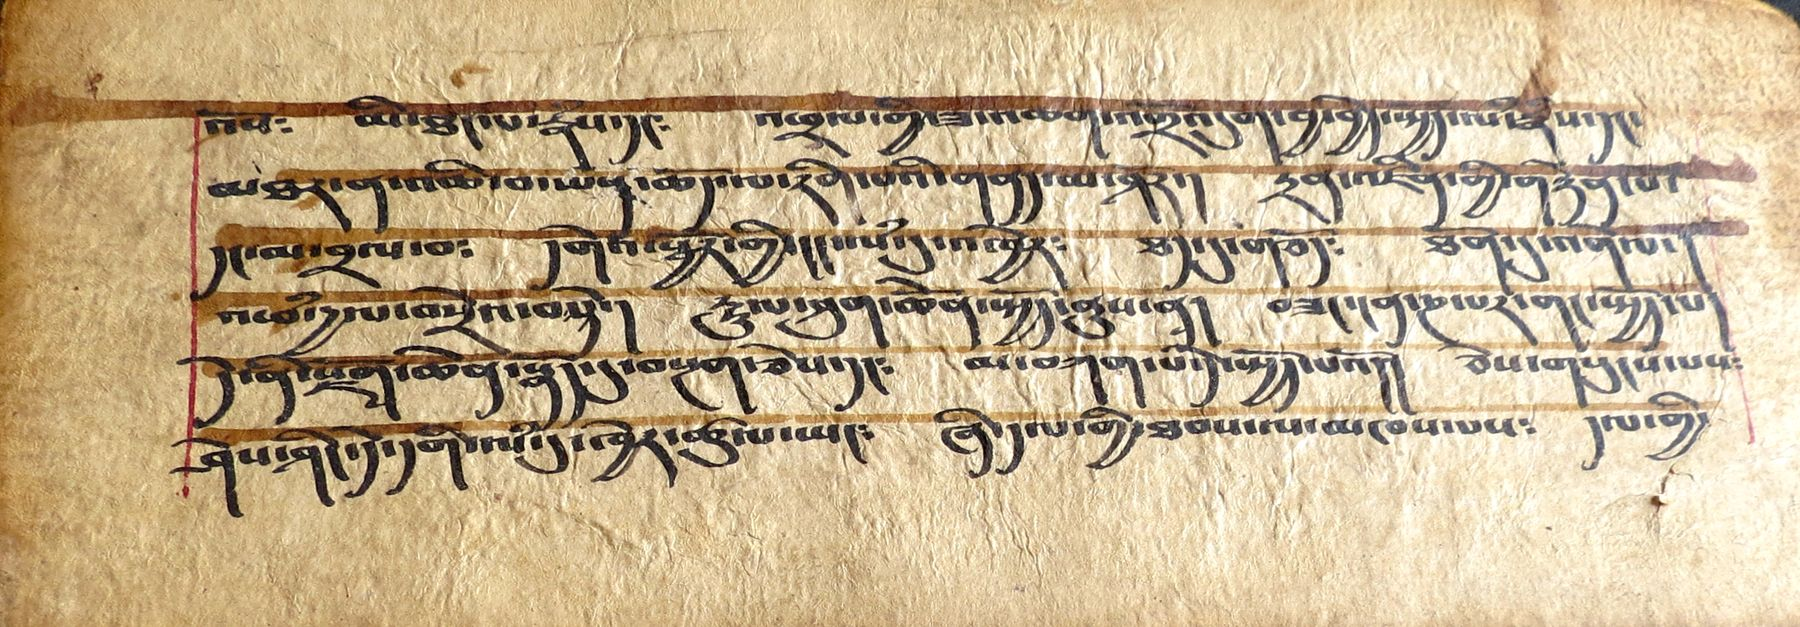འོས་མི་འཐད་རྣམས་དང་། འཕྲལ་བཟའ་འཆག་འགྲོ་འདུག་བྱ་བྱེད་སྤྱོད་ལམ་སྣ་ཚོགས་དང་། 
མཐར་འཆི་བ་ཡན་ཆོད་ལ་རིག་པའི་གནད་མ་ཤོར་བ། དྲན་འཛིན་གྱི་གཉེན་པོ་
དང་མ་བྲལ་བ། དགེ་སྦྱོར་གྱི་ངང་ནས་ལམ་དུ་ཁྱེར། ཐད་དུ་གཅོད། ཐོག་ཏུ་འགེལ། 
ཕམ་རྒྱལ་བསྲེ་བ་སྟེ། ལུང་དྲུག་ལས། རྟུལ་ཤུགས་ཆེན་པོ་སྤྱོད་ནུས་ན། བཟང་ངན་མེད་པར་གང་སྤྱོད་
པ། དེ་ནི་རྫོགས་ཆེན་སྣོད་དུ་བསྔགས། ཞེས་དང་། མ་བཀག་པ་དེ་སྤྱོད་པའོ། ཞེས་གསུངས་པས་
ཤེས་ཤིང་། དེ་དག་གི་ལམ་དུ་འཁྱེར་ཚུལ་ཀྱང་ཞི་དལ་གྱི་ཐབས་ལ་མཁས་པས། དལ་གྱིས་